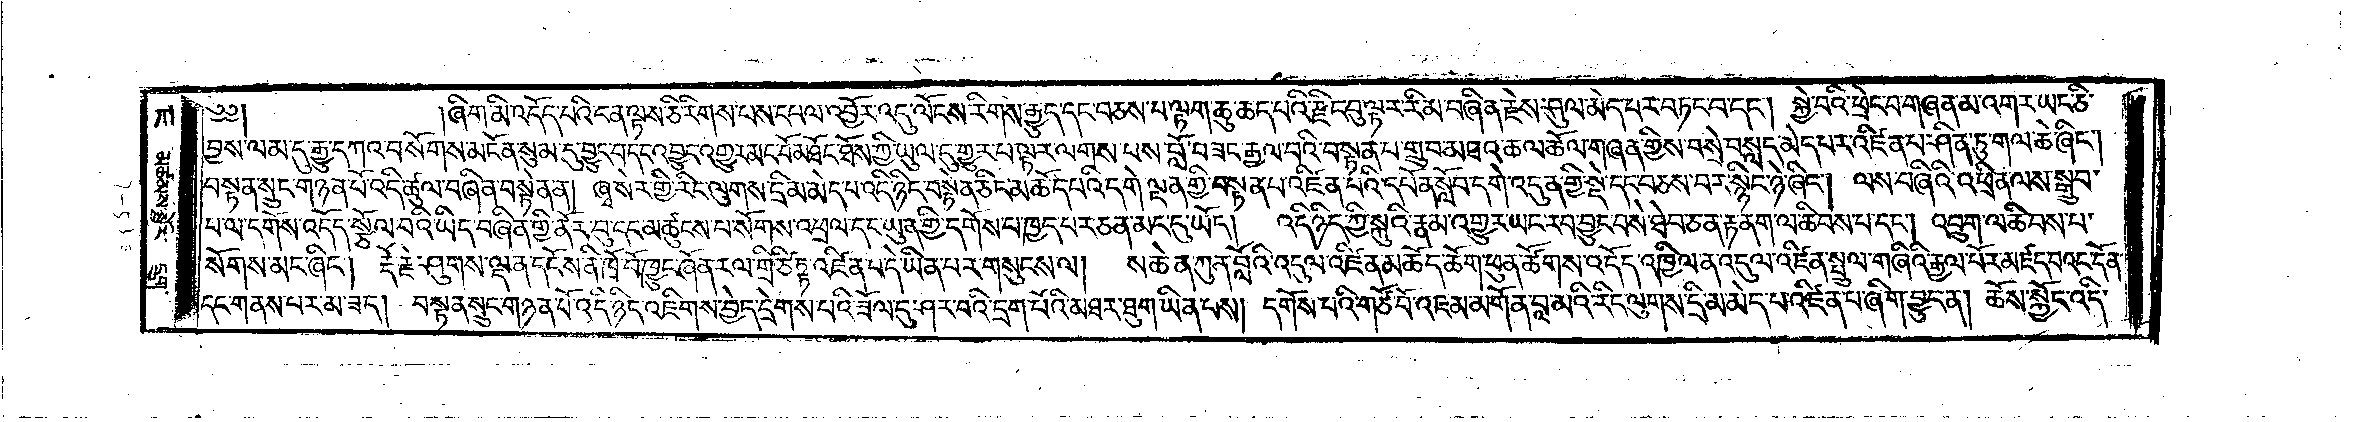༄༅། །ཞིག་མི་འདོད་པའི་ངན་ལྟས་ཅི་རིགས་པས་དཔལ་འབྱོར་འདུ་ལོངས་རིགས་རྒྱུད་དང་བཅས་པ་ལྟག་ཆུ་ཆད་པའི་རྫིང་བུ་ལྟར་རིམ་བཞིན་རྗེས་ཤུལ་མེད་པར་བཏང་པ་དང་། སྐྱེ་བའི་ཕྲེང་བ་གཞན་མ་འགར་ཡང་ཅི་
བྱས་ལམ་དུ་རྒྱུ་དཀའ་བ་སོགས་མངོན་སུམ་དུ་བྱུང་བ་དང་འབྱུང་འགྱུར་མང་པོ་མཐོང་ཐོས་ཀྱི་ཡུལ་དུ་གྱུར་པ་ལྟར་ལགས་པས་བློ་བཟང་རྒྱལ་བའི་བསྟན་པ་གྲུབ་མཐའ་ཆལ་ཆོལ་གཞན་གྱིས་བསྲེ་བསླད་མེད་པར་འཛིན་པ་ཤིན་ཏུ་གལ་ཆེ་ཞིང་།
བསྟན་སྲུང་གཉན་པོ་འདི་ཚུལ་བཞིན་བསྟེན་ན། ཞྭ་སེར་གྱི་རིང་ལུགས་དྲི་མ་མེད་པ་འདི་ཉིད་བསྟེན་ཅིང་མཆོད་པའི་དགེ་ལྡན་གྱི་བསྟན་པ་འཛིན་པའི་དཔོན་སློབ་དགེ་འདུན་གྱི་སྡེ་དང་བཅས་པར་སྙིང་ཉེ་ཞིང་། ལས་བཞིའི་འཕྲིན་ལས་སྒྲུབ་
པ་ལ་དགོས་འདོད་སྩོལ་བའི་ཡིད་བཞིན་གྱི་ནོར་བུ་དང་མཚུངས་པ་སོགས་འཕྲལ་དང་ཡུན་གྱི་དགོས་པ་ཁྱད་པར་ཅན་མང་དུ་ཡོད། །འདི་ཉིད་ཀྱི་སྐུའི་རྣམ་འགྱུར་ཡང་རབ་བྱུང་བསེ་ཐེབ་ཅན་རྟ་ནག་ལ་ཆིབས་པ་དང་། འབུག་ལ་ཆིབས་པ་
སོགས་མང་ཞིང་། རྡོ་རྗེ་ཤུགས་ལྡན་དངོས་ནི་ཁྲོ་བོ་ཁྱུང་ཞོན་རལ་གྲི་ཙིཏྟ་འཛིན་པ་དེ་ཡིན་པར་གསུངས་ལ། ས་ཆེན་ཀུན་བློའི་འདུལ་འཛིན་མཆོད་ཆོག་ཕུན་ཚོགས་འདོད་འཁྱིལ་ན་འདུལ་འཛིན་སྤྲུལ་གཞིའི་རྒྱལ་པོར་མཛད་པའང་དོན་
དང་གནས་པར་མ་ཟད། བསྟན་སྲུང་གཉན་པོ་འདི་ཉིད་འཇིགས་བྱེད་དྲེགས་པའི་ཟོལ་དུ་ཤར་བའི་དྲག་པོའི་མཐར་ཐུག་ཡིན་པས། དགོས་པའི་གཙོ་བོ་འཇམ་མགོན་བླ་མའི་རིང་ལུགས་དྲི་མ་མེད་པ་འཛིན་པ་ཞིག་བྱུང་ན། ཆོས་སྐྱོང་འདི་